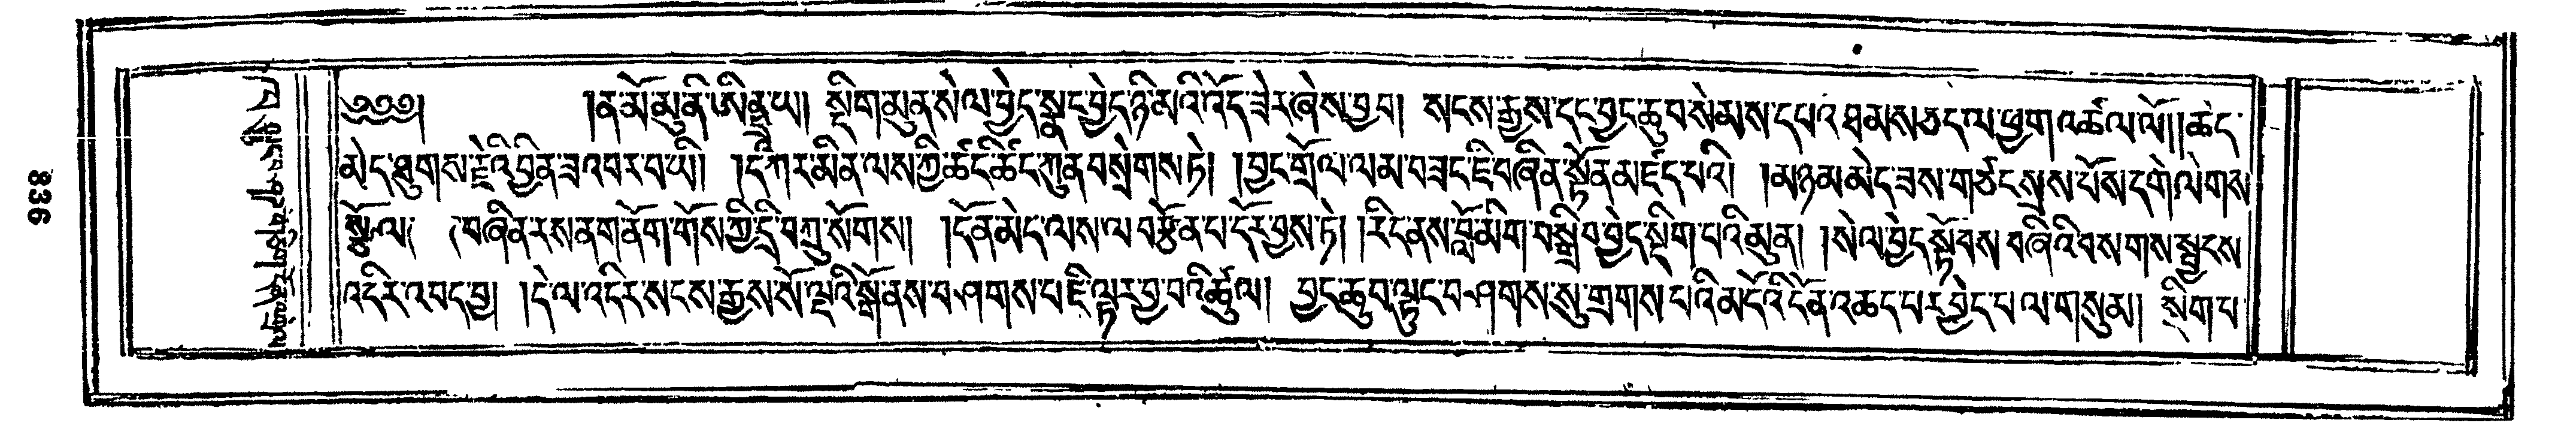༄༅༅། །ན་མོ་མུ་ནི་ཨིནྡྲཱ་ཡ། སྡིག་མུན་སེལ་བྱེད་སྣང་བྱེད་ཉི་མའི་འོད་ཟེར་ཞེས་བྱ་བ། སངས་རྒྱས་དང་བྱང་ཆུབ་སེམས་དཔའ་ཐམས་ཅད་ལ་ཕྱག་འཚལ་ལོ། །ཚད་
མེད་ཐུགས་རྗེའི་བྱིན་ཟ་འབར་བ་ཡི། །དཀར་མིན་ལས་ཀྱི་ཚང་ཚིང་ཀུན་བསྲེགས་ཏེ། །བྱང་གྲོལ་ལམ་བཟང་ཇི་བཞིན་སྟོན་མཛད་པའི། །མཉམ་མེད་ཟས་གཙང་སྲས་པོས་དགེ་ལེགས་
སྩོལ༑ ༑བཞིན་རས་ནག་ནོག་གོས་ཀྱི་དྲི་བཀྲུ་སོགས། །དོན་མེད་ལས་ལ་བརྩོན་པ་དོར་བྱས་ཏེ། །རིང་ནས་བློ་མིག་བསྒྲིབ་བྱེད་སྡིག་པའི་མུན། །སེལ་བྱེད་སྟོབས་བཞིའི་བསགས་སྦྱངས་
འདིར་འབད་བྱ། །དེ་ལ་འདིར་སངས་རྒྱས་སོ་ལྔའི་སྒོ་ནས་བཤགས་པ་ཇི་ལྟར་བྱ་བའི་ཚུལ། བྱང་ཆུབ་ལྟུང་བཤགས་སུ་གྲགས་པའི་མདོའི་དོན་འཆད་པར་བྱེད་པ་ལ་གསུམ། སྡིག་པ་